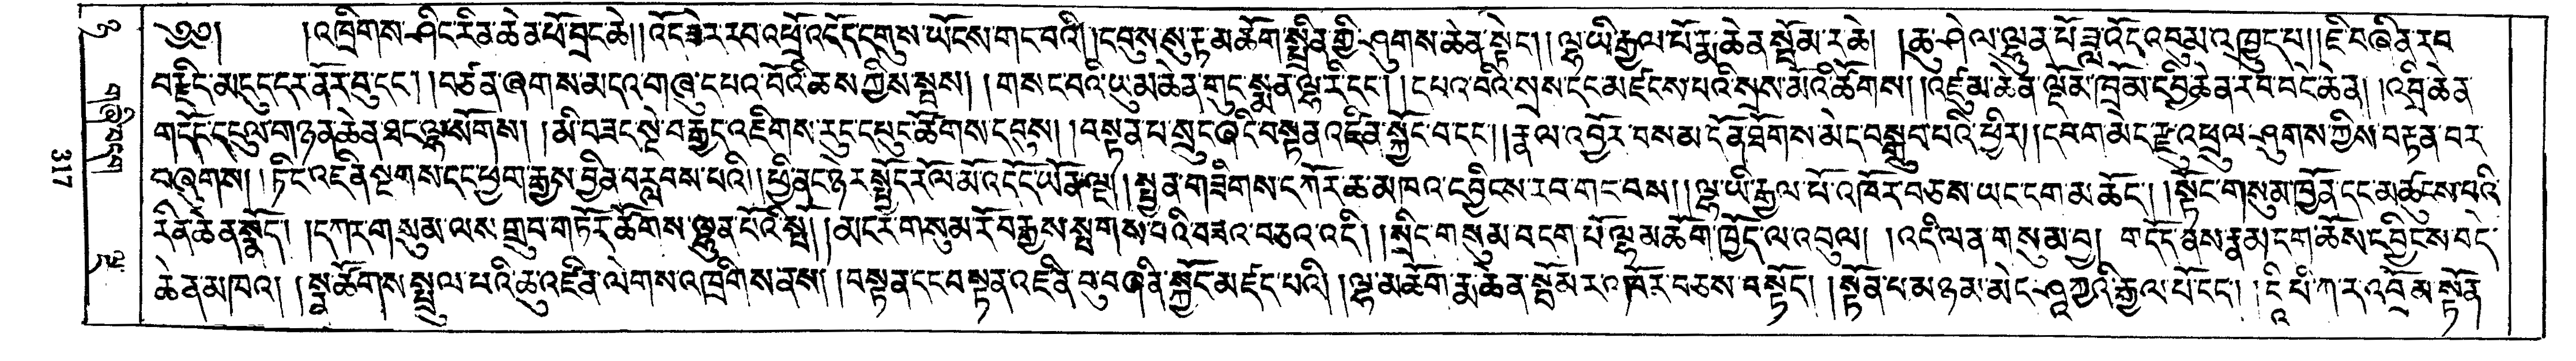༄༅། །འཁྲིགས་ཤིང་རིན་ཆེན་ཕོ་བྲང་ཆེ། །འོད་ཟེར་རབ་འཕྲོ་འདོད་དགུས་ཡོངས་གང་བའི། །དབུས་སུ་རྟ་མཆོག་སྤྲིན་གྱི་ཤུགས་ཆེན་སྟེང་། །ལྷ་ཡི་རྒྱལ་པོ་རྨ་ཆེན་སྤོམ་ར་ཆེ། །ཆུ་ཤེལ་ལྷུན་པོ་ཟླ་འོད་འབུམ་འཁྱུད་པ། །ཇི་བཞིན་རབ་
བརྗིད་མདུད་དང་ནོར་བུ་དང་། །བཙན་ཞགས་མདའ་གཞུ་དཔའ་བོའི་ཆོས་ཀྱིས་སྤྲུས། །གསང་བའི་ཡུམ་ཆེན་གུང་སྨན་ལྷ་རི་དང་། །དཔའ་བའི་སྲས་དང་མཛངས་པའི་སྲས་མོའི་ཚོགས། །འཛུམ་ཆེན་ལྡོམ་ཁྲོམ་དབྱི་ཆེན་རབ་བདེ་ཆེན། །འབྲི་ཆེན་
གདོང་དངུལ་གཉན་ཆེན་ཐང་ལྷ་སོགས། །མི་བཟང་སྡེ་བརྒྱད་འཇིགས་རུང་དཔུང་ཚོགས་དབུས། །བསྟན་པ་སྲུང་ཞིང་བསྟན་འཛིན་སྐྱོང་བ་དང་། །རྣལ་འབྱོར་བསམ་དོན་ཐོགས་མེད་བསྒྲུབ་བའི་ཕྱིར། །དཔག་མེད་རྫུ་འཕྲུལ་ཤུགས་ཀྱིས་བརྟན་པར་
བཞུགས། །ཏིང་འཛིན་སྔགས་དང་ཕྱག་རྒྱས་བྱིན་བརླབས་པའི། །ཕྱི་ནང་ཉེར་སྤྱོད་རོལ་མོ་འདོད་ཡོན་ལྔ། །སྤྱན་གཟིགས་དཀོར་ཆ་མཁའ་དབྱིངས་རབ་གང་བས། །ལྷ་ཡི་རྒྱལ་པོ་འཁོར་བཅས་ཡང་དག་མཆོད། །སྟོང་གསུམ་ཁྱོན་དང་མཚུངས་པའི་
རིན་ཆེན་སྣོད། །དཀར་གསུམ་ལས་གྲུབ་གཏོར་ཚོགས་ལྷུན་པོའི་སྦོ། །མངར་གསུམ་རོ་བརྒྱས་སྦགས་པའི་བཟའ་བཅའ་འདི། །སྲིད་གསུམ་བདག་པོ་ལྷ་མཆོག་ཁྱོད་ལ་འབུལ། །འདི་ལན་གསུམ་བྱ། གདོད་ནས་རྣམ་དག་ཆོས་དབྱིངས་བདེ་
ཆེན་མཁའ། །སྣ་ཚོགས་སྤྲུལ་པའི་ཆུ་འཛིན་ལེགས་འཁྲིགས་ནས། །བསྟན་དང་བསྟན་འཛིན་བུ་བཞིན་སྐྱོང་མཛད་པའི། །ལྷ་མཆོག་རྨ་ཆེན་སྤོམ་ར་འཁོར་བཅས་བསྟོད། །སྟོན་པ་མཉམ་མེད་ཤཱཀྱའི་རྒྱལ་པོ་དང་། །དཱི་པཾ་ཀ་ར་འབྲོམ་སྟོན་